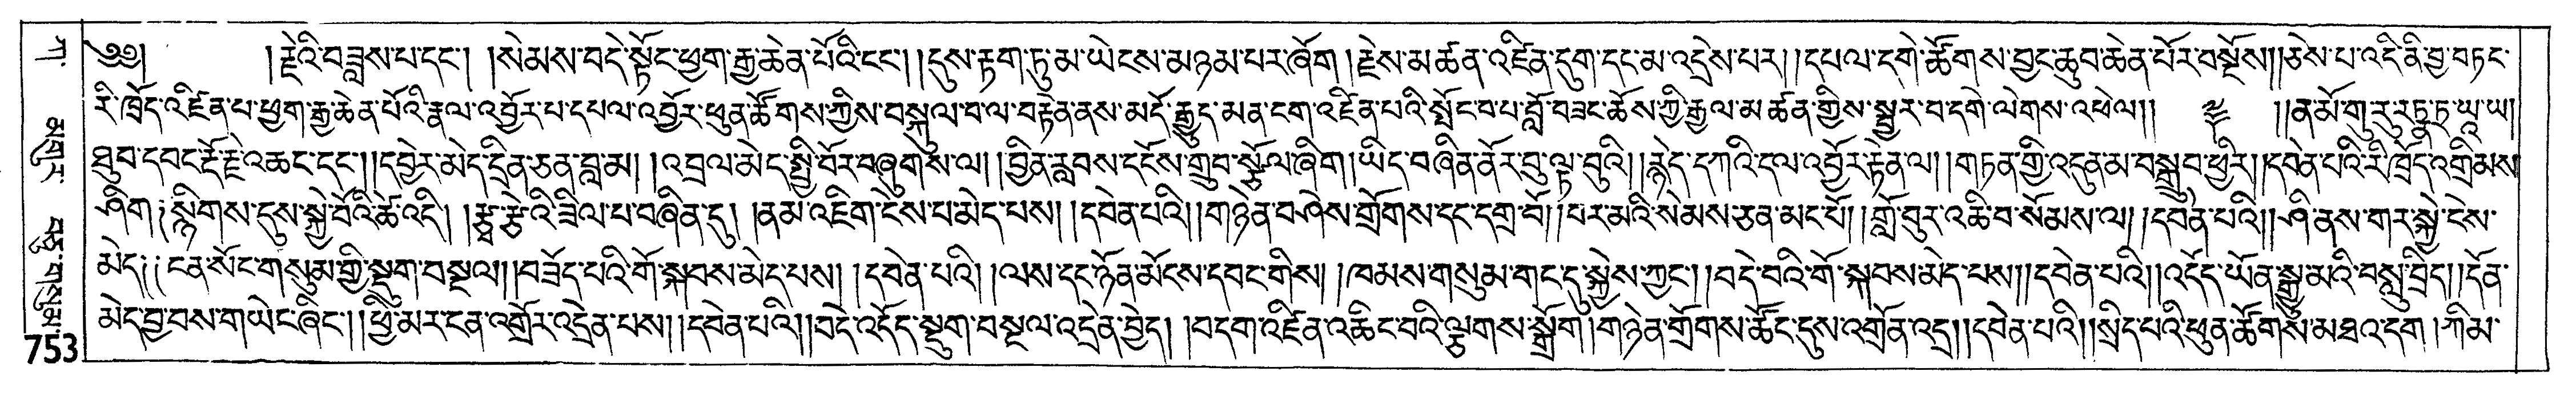༄༅། །རྗེའི་བཟླས་པ་དང་། །སེམས་བདེ་སྟོང་ཕྱག་རྒྱ་ཆེན་པོའི་ངང་། །དུས་རྟག་ཏུ་མ་ཡེངས་མཉམ་པར་ཞོག །རྗེས་མཚན་འཛིན་དུག་དང་མ་འདྲེས་པར། །དཔལ་དགེ་ཚོགས་བྱང་ཆུབ་ཆེན་པོར་བསྔོས། །ཅེས་པ་འདི་ནི་བྱ་བཏང་
རི་ཁྲོད་འཛིན་པ་ཕྱག་རྒྱ་ཆེན་པོའི་རྣལ་འབྱོར་པ་དཔལ་འབྱོར་ཕུན་ཚོགས་ཀྱིས་བསྐུལ་བ་ལ་བརྟེན་ནས་མདོ་རྒྱུད་མན་ངག་འཛིན་པའི་སྤོང་བ་པ་བློ་བཟང་ཆོས་ཀྱི་རྒྱལ་མཚན་གྱིས་སྦྱར་བ་དགེ་ལེགས་འཕེལ།། ༈ །།ན་མོ་གུ་རུ་རཏྣ་ཏྲ་ཡཱ་ཡ།
ཐུབ་དབང་རྡོ་རྗེ་འཆང་དང་། །དབྱེར་མེད་དྲིན་ཅན་བླ་མ། །འབྲལ་མེད་སྤྱི་བོར་བཞུགས་ལ། །བྱིན་རླབས་དངོས་གྲུབ་སྩོལ་ཞིག །ཡིད་བཞིན་ནོར་བུ་ལྟ་བུའི། །རྙེད་དཀའི་དལ་འབྱོར་རྟེན་ལ། །གཏན་གྱི་འདུན་མ་བསྒྲུབ་ཕྱིར། །དབེན་པའི་རི་ཁྲོད་འགྲིམས་
ཤིག །སྙིགས་དུས་སྐྱེ་བོའི་ཚེ་འདི། །རྩྭ་རྩེའི་ཟིལ་པ་བཞིན་དུ། །ནམ་འཇིག་ངེས་པ་མེད་པས། །དབེན་པའི། །གཉེན་བཤེས་གྲོགས་དང་དགྲ་བོ། །བར་མའི་སེམས་ཅན་མང་པོ། །གློ་བུར་འཆི་བ་སོམས་ལ། །དབེན་པའི། །ཤི་ནས་གར་སྐྱེ་ངེས་
མེད། །ངན་སོང་གསུམ་གྱི་སྡུག་བསྔལ། །བཟོད་པའི་གོ་སྐབས་མེད་པས། །དབེན་པའི། །ལས་དང་ཉོན་མོངས་དབང་གིས། །ཁམས་གསུམ་གང་དུ་སྐྱེས་ཀྱང་། །བདེ་བའི་གོ་སྐབས་མེད་པས། །དབེན་པའི། །འདོད་ཡོན་སྒྱུ་མའི་བསླུ་བྲིད། །དོན་
མེད་བྱ་བས་གཡེང་ཞིང་། །ཕྱི་མར་ངན་འགྲོར་འདྲེན་པས། །དབེན་པའི། །བདེ་འདོད་སྡུག་བསྔལ་འདྲེན་བྱེད། །བདག་འཛིན་འཆིང་བའི་ལྕགས་སྒྲོག །གཉེན་གྲོགས་ཚོང་དུས་འགྲོན་འདྲ། །དབེན་པའི། །སྲིད་པའི་ཕུན་ཚོགས་མཐའ་དག །ཀིམ་